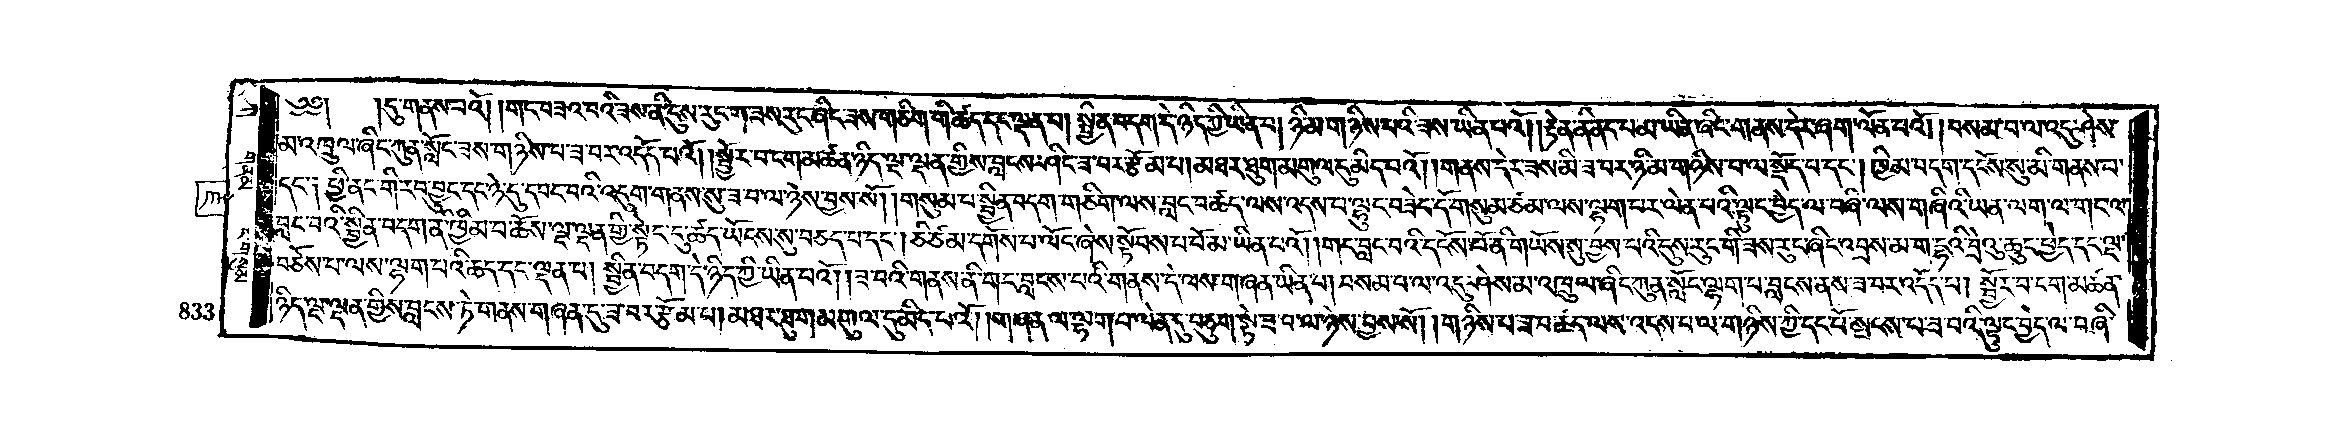༄༅། །དུ་གནས་པའོ། །གང་བཟའ་བའི་ཟས་ནི་དུས་རུང་ག་ཟས་རུང་ཞིང་ཟས་གཅིག་གི་ཚད་དང་ལྡན་པ། སྦྱིན་བདག་དེ་ཉིད་ཀྱི་ཡིན་པ། ཉི་མ་གཉིས་པའི་ཟས་ཡིན་པའོ། །རྟེན་ནི་ནང་པ་མ་ཡིན་ཞིང་གནས་དེར་ཞག་ལོན་པའོ། །བསམ་པ་ལ་འདུ་ཤེས་
མ་འཁྲུལ་ཞིང་ཀུན་སློང་ཟས་གཉིས་པ་ཟ་བར་འདོད་པའོ། །སྦྱོར་བ་ངག་མཚན་ཉིད་ལྔ་ལྡན་གྱིས་བླངས་ཤིང་ཟ་བར་རྩོམ་པ། མཐར་ཐུག་མགུལ་དུ་མིད་པའོ། །གནས་དེར་ཟས་མི་ཟ་བར་ཉི་མ་གཉིས་པ་ལ་སྡོད་པ་དང་། ཁྱིམ་བདག་དངོས་སུ་མི་གནས་པ་
དང༑ ཕྱི་ནང་གི་རབ་བྱུང་དང་ཉེ་དུ་དབང་བའི་འདུག་གནས་སུ་ཟ་བ་ལ་ཉེས་བྱས་སོ། །གསུམ་པ་སྦྱིན་བདག་གཅིག་ལས་བླང་བ་ཚད་ལས་འདས་པ་ལྷུང་བཟེད་དོ་གསུམ་ཙམ་ལས་ལྷག་པར་ལེན་པའི་ལྟུང་བྱེད་ལ་བཞི་ལས་གཞིའི་ཡན་ལག་ལ་གང་ལ་
བླང་བའི་སྦྱིན་བདག་ནི་ཁྱིམ་པ་ཆོས་ལྔ་ལྡན་གྱི་སྟེང་དུ་ཚད་ཡོངས་སུ་བཅད་པ་དང་། ཅི་ཙམ་དགོས་པ་ལོང་ཞེས་སྟོབས་པ་པོ་མ་ཡིན་པའོ། །གང་བླང་བའི་དངོས་པོ་ནི་གཡོས་སུ་བྱས་པའི་དུས་རུང་གི་ཟས་རུང་ཞིང་འབྲས་མ་ག་དྷའི་བྲེའུ་ཆུང་ཕྱེད་དང་ལྔ་
བཅོས་པ་ལས་ལྷག་པའི་ཆད་དང་ལྡན་པ། སྦྱིན་བདག་དེ་ཉིད་ཀྱི་ཡིན་པའོ། །ཟ་བའི་གནས་ནི་གང་བླངས་པའི་གནས་དེ་ལས་གཞན་ཡིན་པ། བསམ་པ་ལ་འདུ་ཤེས་མ་འཁྲུལ་ཞིང་ཀུན་སློང་ལྷག་པ་བླངས་ནས་ཟ་བར་འདོད་པ། སྦྱོར་བ་ངག་མཚན་
ཉིད་ལྔ་ལྡན་གྱིས་བླངས་ཏེ་གནས་གཞན་དུ་ཟ་བར་རྩོམ་པ། མཐར་ཐུག་མགུལ་དུ་མིད་པའོ། །གཞན་ལ་ལྷག་པ་ལེན་དུ་བཅུག་སྟེ་ཟ་བ་ལ་ཉེས་བྱས་སོ། །གཉིས་པ་ཟ་བ་ཚད་ལས་འདས་པ་ལ་གཉིས་ཀྱི་དང་པོ་སྤངས་པ་ཟ་བའི་ལྟུང་བྱེད་ལ་བཞི་